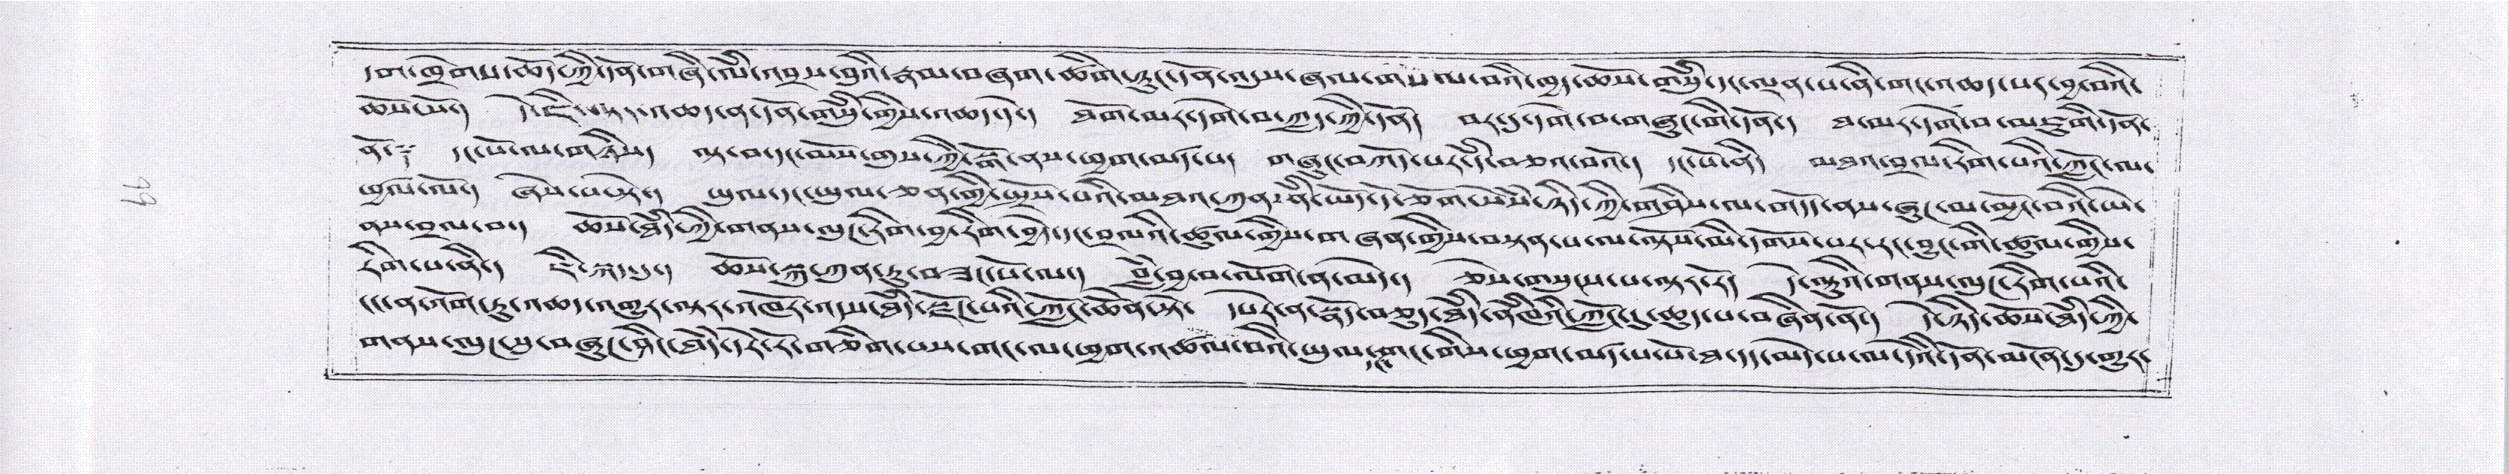དག་ཁྲེག་ཆོད་ཀྱི་དོན་གཞི་ལམ་འབྲས་བུའི་རྣམ་གཞག་ཚིག་ཉུང་དོན་འདུས་ཞལ་གསལ་བའི་ཁྱད་ཆོས་གསུམ་དང་ལྡན་པ་ནི་གང་འཆད་པར་བྱ་བའི་
ཆོས་སོ། དེ་ཇི་ལྟར་འཆད་ན་དོན་གསུམ་གྱིས་འཆད་དེ། ཐོག་མར་དགེ་བ་ཀླད་ཀྱི་དོན། བར་དུ་དགེ་བ་གཞུང་གི་དོན། ཐ་མར་དགེ་བ་མཇུག་གི་དོན་
ནོ། དང་པོ་ལ་གཉིས། ལྟ་བ་དང་མོས་གུས་ཀྱི་སྒོ་ནས་ཕྱག་མཛད་པ། གཞུང་བཀོད་པར་དམ་བཅའ་བའོ། དང་པོ་ནི། མཐའ་བྲལ་རིག་པའི་ཀློང་ལ་
ཕྱག་འཚལ་ལོ། ཞེས་པ་སྟེ། ཡུལ་དང་ཡུལ་ཅན་གྱི་སྤྲོས་པའི་མཐའ་ཀུན་ནམ་ཡོད་དོ་ཅོག་སེམས་ཉིད་ཀྱི་གཤིས་ལ་གདོད་ནས་ཞུགས་མ་མྱོང་བའི་ཡེ་
ནས་བྲལ་བ། ཆོས་ཐམས་ཅད་ཀྱི་གནས་ལུགས་རིག་བྱ་རིག་བྱེད་དང་བྲལ་བའི་ཚུལ་གྱིས་གཞན་གྱིས་བསྟན་པ་ལ་ལྟོས་མི་དགོས་པར་རང་འབྱུང་གི་ཚུལ་གྱིས་
རིག་པ་ནི། ཇི་སྐད་དུ། ཆོས་སྐུ་ཀུན་ཏུ་བཟང་པོ་ལ། བླ་མ་བྱ་ལོག་ན་མེད། ཅེས་གསུངས་པ་ལྟར་རོ། དེ་ལྟ་བུ་གནས་ལུགས་རིག་པའི་
ངོས་ན་འོག་ནས་འཆད་འགྱུར་ལྟར་འཁོར་འདས་ཐམས་ཅད་རྫོགས་པའི་ཀློང་ཆེན་པོ་སྟེ། དཔེར་ན་སྣོད་བཅུད་ཐམས་ཅད་ནམ་མཁའི་ཀློང་དུ་ཆུད་པ་བཞིན་ནོ། དེ་ཉིད་ཆོས་ཐམས་ཅད་ཀྱི་
གནས་ལུགས་སུ་བཞུགས་ཤིང་ཐམས་ཅད་དེར་རོ་གཅིག་པས་གང་ལ་ཕྱག་འཚལ་བའི་ཡུལ་དང་གང་གིས་ཕྱག་མཛད་པ་པོ་ཐ་དད་མེད་པ་ལ་དེའི་དོན་མངོན་དུ་གྱུར་